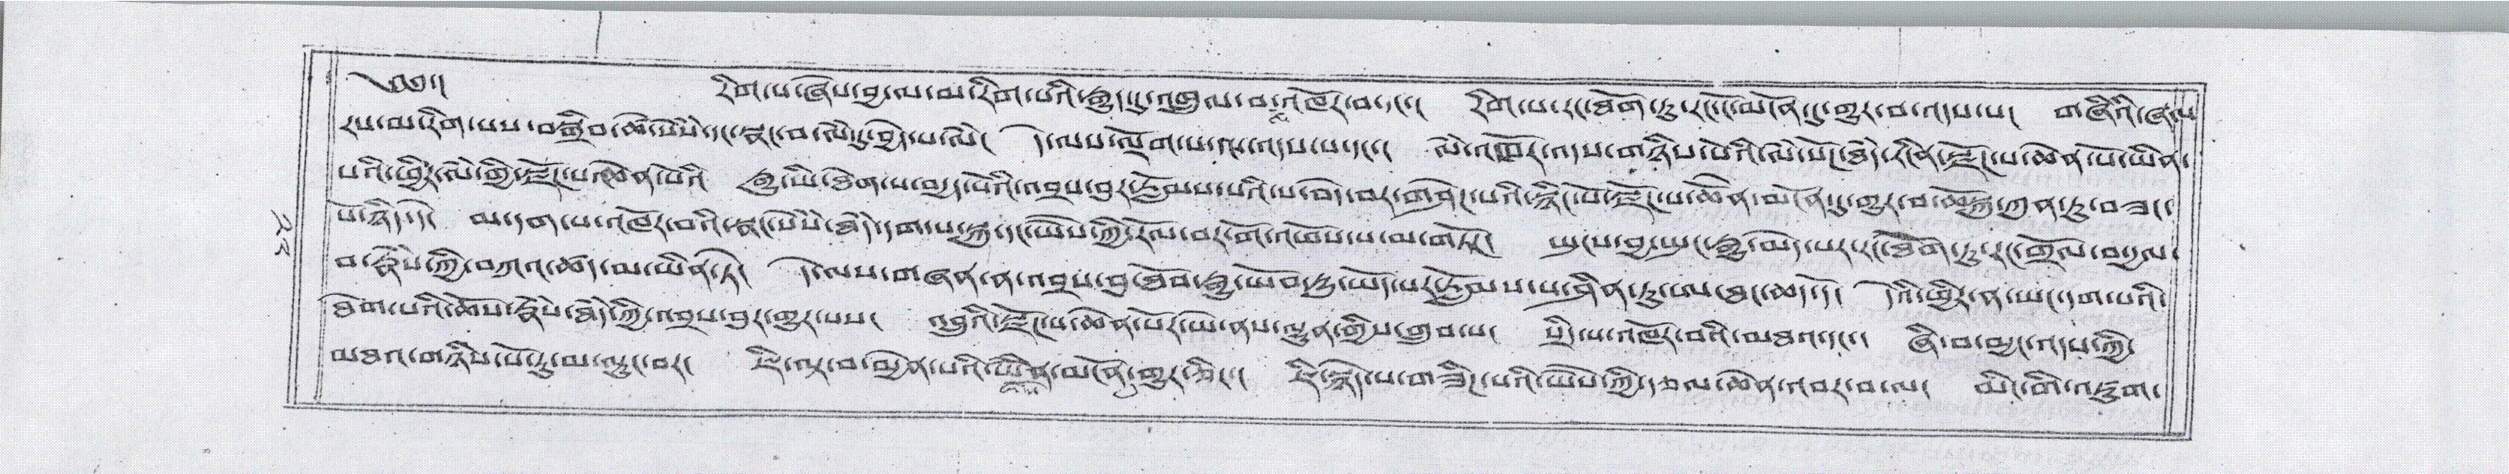རིག་པ་ཞེས་བྱ་ལ་མ་རིག་པས་བརྒྱུད་དུ་འཁྲུལ་པས་འཁོར་བ་དང་། རིག་པ་རང་ཐོག་ཏུ་རང་ངོ་མངོན་དུ་གྱུར་པ་འདས་པ། གཞིའི་ཞལ་
རས་མ་རིག་པས་བསྒྲིབས་ཚེ་སེམས་དང་སྣང་བ་ལམ་དུ་བྱེད་པ་ལམ། དེ་ལས་ལྡོག་པ་ལ་འདས་པ་དང་། ལམ་འཁོར་འདས་གཉིས་པོའི་ལམ་སོགས་ཐམས་ཅད་རང་བཞིན་རྫོགས་པ་ཆེན་པོ་ཡིན་
པའི་ཕྱིར་ལམ་གྱི་རྫོགས་པ་ཆེན་པོའོ། རྒྱུ་ཡི་ཐེག་པ་བརྒྱད་པོའི་འབྲས་བུར་རློམ་པའི་ས་བདེ་བར་གཤེགས་པའི་སྙིང་པོ་རྫོགས་པ་ཆེན་པོ་མངོན་དུ་གྱུར་པ་ཆོས་སྐུ་ཀུན་ཏུ་བཟང་
པོ་ཉིད་དེ། མ་དག་པ་འཁོར་བའི་སྣང་སེམས་ཐམས་ཅད་དག་པ་སྐུ་དང་ཡེ་ཤེས་ཀྱི་རོལ་པར་གོ་འཕོས་པ་མ་གཏོགས། སྤང་བྱ་སྤང་རྒྱུ་མེད་པར་རང་ཐོག་ཏུ་རང་གྲོལ་བ་རྒྱལ་
བ་རྣམས་ཀྱི་བཀའ་ཚད་མ་ཡིན་ཏེ། དེ་ལས་གཞན་པ་འབྲས་བུ་ཐོབ་རྒྱུ་ཡོད་པར་རློམ་པ་ཤིན་ཏུ་ཨ་ཐང་ཆད་དོ། དེའི་ཕྱིར་ན་ཡང་དག་པའི་
ཐེག་པའི་ཆོས་རྣམས་ཐམས་ཅད་ཀྱི་འབྲས་བུར་གྱུར་པས། འབྲས་བུའི་རྫོགས་པ་ཆེན་པོར་ཡེ་ནས་ལྷུན་གྱིས་གྲུབ་པ། སྲིད་པ་འཁོར་བའི་མཐའ་དང་། ཞི་བ་མྱང་འདས་ཀྱི་
མཐའ་གཉིས་པོ་རུ་མ་ལྷུང་བར། ཇི་ལྟ་བ་མཁྱེན་པའི་ཡེ་ཤེས་མངོན་དུ་གྱུར་ཅིང་། ཇི་སྙེད་པ་གཟིགས་པའི་ཡེ་ཤེས་ཀྱི་རྩལ་ཆེན་འབར་བ་ལ། མིང་གི་འཇུག་